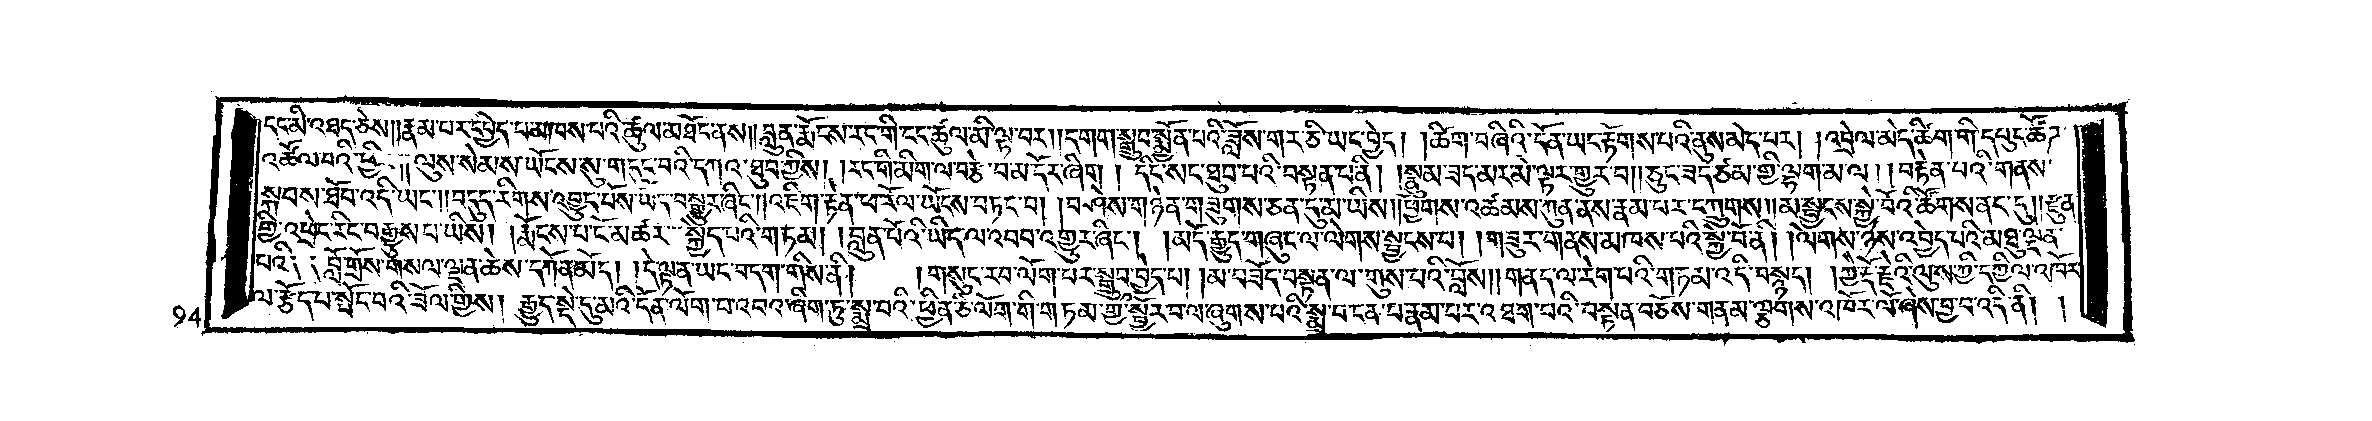དང་མི་འཐད་ཅེས། །རྣམ་པར་དཔྱད་པ་མཁས་པའི་ཚུལ་མཐོང་ནས། །བླུན་རྨོངས་རང་གི་ངང་ཚུལ་མི་ལྟ་བར། །དགག་སྒྲུབ་སྨྱོན་པའི་ཟློས་གར་ཅི་ཡང་བྱེད། །ཚིག་བཞིའི་དོན་ཡང་རྟོགས་པའི་ནུས་མེད་པར། །འབྲེལ་མེད་ཚིག་གི་དཔུང་ཚོགས་
འཚོལ་བའི་ཕྱིར། །ལུས་སེམས་ཡོངས་སུ་གདུང་བའི་དཀའ་ཐུབ་ཀྱིས། །རང་གི་མིག་ལ་བརྩེ་བ་མ་དོར་ཞིག། །དིང་སང་ཐུབ་པའི་བསྟན་པ་ནི། །སྣུམ་ཟད་མར་མེ་ལྟར་གྱུར་བ། །ཅུང་ཟད་ཙམ་གྱི་ལྷག་མ་ལ། །བརྟེན་པའི་གནས་
སྐབས་ཐོབ་འདི་ཡང་། །བདུད་རིགས་འབྱུང་པོས་ཡོད་བསྒྱུར་ཞིང་། །འཇིག་རྟེན་ཕ་རོལ་ཡོངས་བཏང་བ། །བཤེས་གཉེན་གཟུགས་ཅན་དུ་མ་ཡིས། །ཕྱོགས་འཚམས་ཀུན་ནས་རྣམ་པར་དཀྲུགས། །མ་སྦྱངས་སྐྱེ་བོའི་ཚོགས་ནང་། །རྫུན་
གྱི་འཕྲེང་རིང་བརྒྱུས་པ་ཡིས། །རྨོངས་པ་ངོ་མཚར་སྐྱེད་པའི་གཏམ། །བླུན་པོའི་ཡིད་ལ་འབབ་འགྱུར་ཞིང་། །མདོ་རྒྱུད་གཞུང་ལ་ལེགས་སྦྱངས་པ། །གཟུར་གནས་མཁས་པའི་སྐྱེ་བོ་ནི། །ལེགས་ཉེས་འབྱེད་པའི་མཐུ་ལྡན་
པའི། །བློ་གྲོས་གསལ་ལྡན་ཆོན་དཀྱོན་མེད། །དེ་ལྟ་ན་ཡང་བདག་གིས་ནི། །གསུང་རབ་ལོག་པར་སྒྲུབ་བྱེད་པ། །མ་བཟོད་བསྟན་ལ་གུས་པའི་བློས། །གནད་ལ་རེག་པའི་གཏམ་འདི་བསྙད། །ཀྱཻ་རྡོ་རྗེའི་ལུས་ཀྱི་དཀྱིལ་འཁོར་
ལ་རྩོད་པ་སྤོང་བའི་ཟོལ་གྱིས། རྒྱུད་སྡེ་དུ་མའི་དོན་ལོག་པ་འབའ་ཞིག་ཏུ་སྨྲ་བའི་ཕྱིན་ཅི་ལོག་གི་གཏམ་གྱི་སྦྱོར་བ་ལ་ཞུགས་པའི་སྨྲ་བ་ངན་པ་རྣམ་པར་འཐད་པའི་བསྟན་བཅོས་གནམ་ལྕགས་འཁོར་ལོ་ཞེས་བྱ་བ་འདི་ནི། །